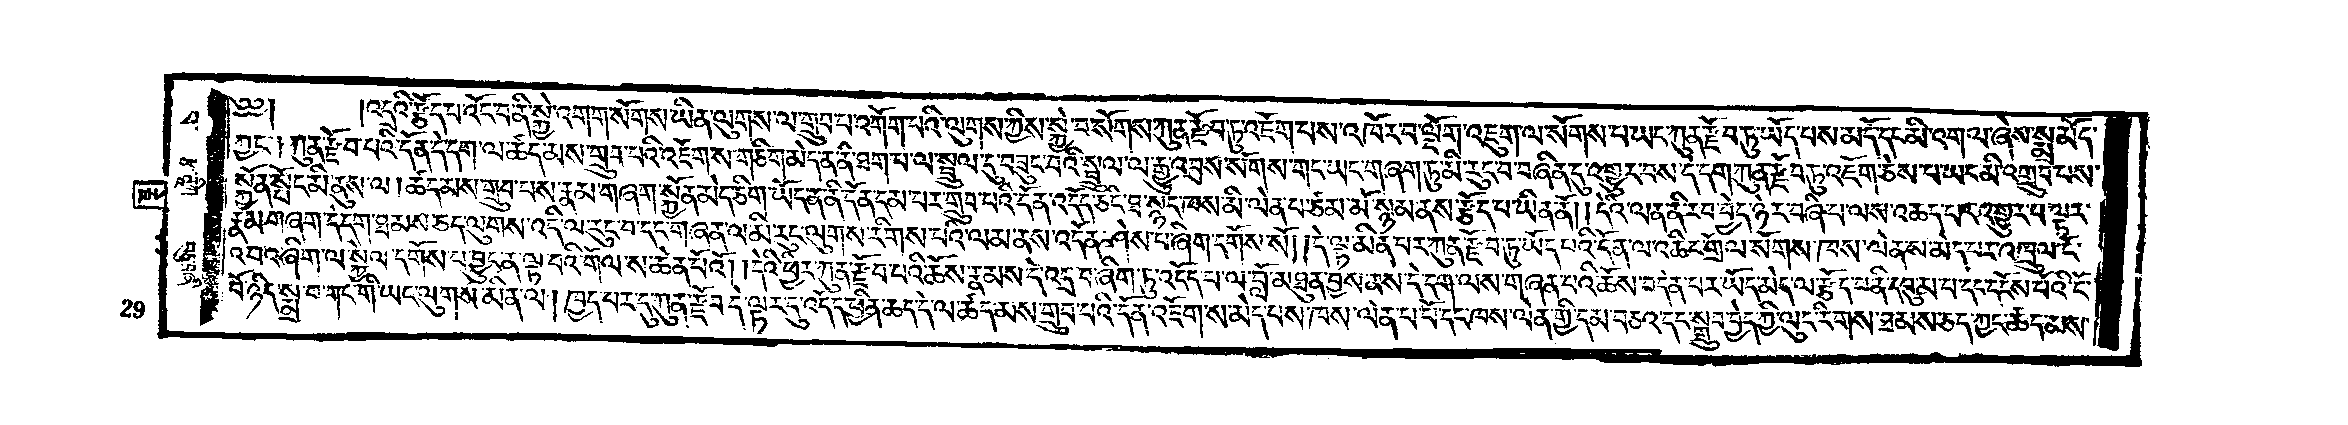༄༅། །འདྲའི་རྩོད་པ་འོང་བ་ནི་སྐྱེ་འགག་སོགས་ཡིན་ལུགས་ལ་གྲུབ་པ་འགོག་པའི་ལུགས་ཀྱིས་སྐྱེ་བ་སོགས་ཀུན་རྫོབ་ཏུ་འཇོག་པས་འཁོར་བ་ལྡོག་འཇུག་ལ་སོགས་པ་ཡང་ཀུན་རྫོབ་ཏུ་ཡོད་པས་མདོ་དང་མི་འགལ་ཞེས་སྨྲ་མོད་
ཀྱང༑ ཀུན་རྫོབ་པའི་དོན་དེ་དག་ལ་ཚད་མས་གྲུབ་པའི་འཇོགས་གཅིག་མེད་ན་ནི་ཐག་པ་ལ་སྦྲུལ་དུ་བཟུང་བའི་སྦྲུལ་ལ་རྒྱུ་འབྲས་སོགས་གང་ཡང་གཞག་ཏུ་མི་རུང་བ་བཞིན་དུ་འགྱུར་བས་དེ་དག་ཀུན་རྫོབ་ཏུ་འཇོག་ཅེས་པ་ཡང་མི་འགྲུབ་པས་
སྐྱོན་སྤོང་མི་ནུས་ལ། ཚད་མས་གྲུབ་པས་རྣམ་གཞག་སྐྱོན་མེད་ཅིག་ཡོད་ན་ནི་དོན་དམ་པར་གྲུབ་པའི་དོན་འདོད་ཅིང་ཐ་སྙད་ཁས་མི་ལེན་པ་ཙམ་མོ་སྙམ་ནས་རྩོད་པ་ཡིན་ནོ། །དེའི་ལན་ནི་རབ་བྱེད་ཉེར་བཞི་པ་ལས་འཆད་པར་འགྱུར་བ་ལྟར་
རྣམ་གཞག་དེ་དག་ཐམས་ཅད་ལུགས་འདི་ལ་རུང་བ་དང་གཞན་ལ་མི་རུང་ལུགས་རིགས་པའི་ལམ་ནས་འདོན་ཤེས་པ་ཞིག་དགོས་སོ། །དེ་ལྟ་མིན་པར་ཀུན་རྫོབ་ཏུ་ཡོད་པའི་དོན་ལ་འཆིང་གྲོལ་སོགས་ཁས་ལེན་ནས་མེད་པར་འཁྲུལ་ངོ་
འབའ་ཞིག་ལ་སྐྱེལ་དགོས་པ་བྱུང་ན་ལྟ་བའི་གོལ་ས་ཆེན་པོའོ། །དེའི་ཕྱིར་ཀུན་རྫོབ་པའི་ཆོས་རྣམས་དེ་འདྲ་བ་ཞིག་ཏུ་འདོད་པ་ལ་བློ་མཐུན་བྱས་ནས་དེ་དག་ལས་གཞན་པའི་ཆོས་བདེན་པར་ཡོད་མེད་ལ་རྩོད་པ་ནི་དབུ་མ་པ་དང་དངོས་པོའི་ངོ་
བོ་ཉིད་སྨྲ་བ་གང་གི་ཡང་ལུགས་མིན་ལ། ཁྱད་པར་དུ་ཀུན་རྫོབ་དེ་ལྟར་དུ་འདོད་ཕྱིན་ཆད་དེ་ལ་ཚད་མས་གྲུབ་པའི་དོན་འཇོགས་མེད་པས་ཁས་ལེན་པ་པོ་དང་ཁས་ལེན་གྱི་དམ་བཅའ་དང་སྒྲུབ་བྱེད་ཀྱི་ལུང་རིགས་ཐམས་ཅད་ཀྱང་ཆད་མས་